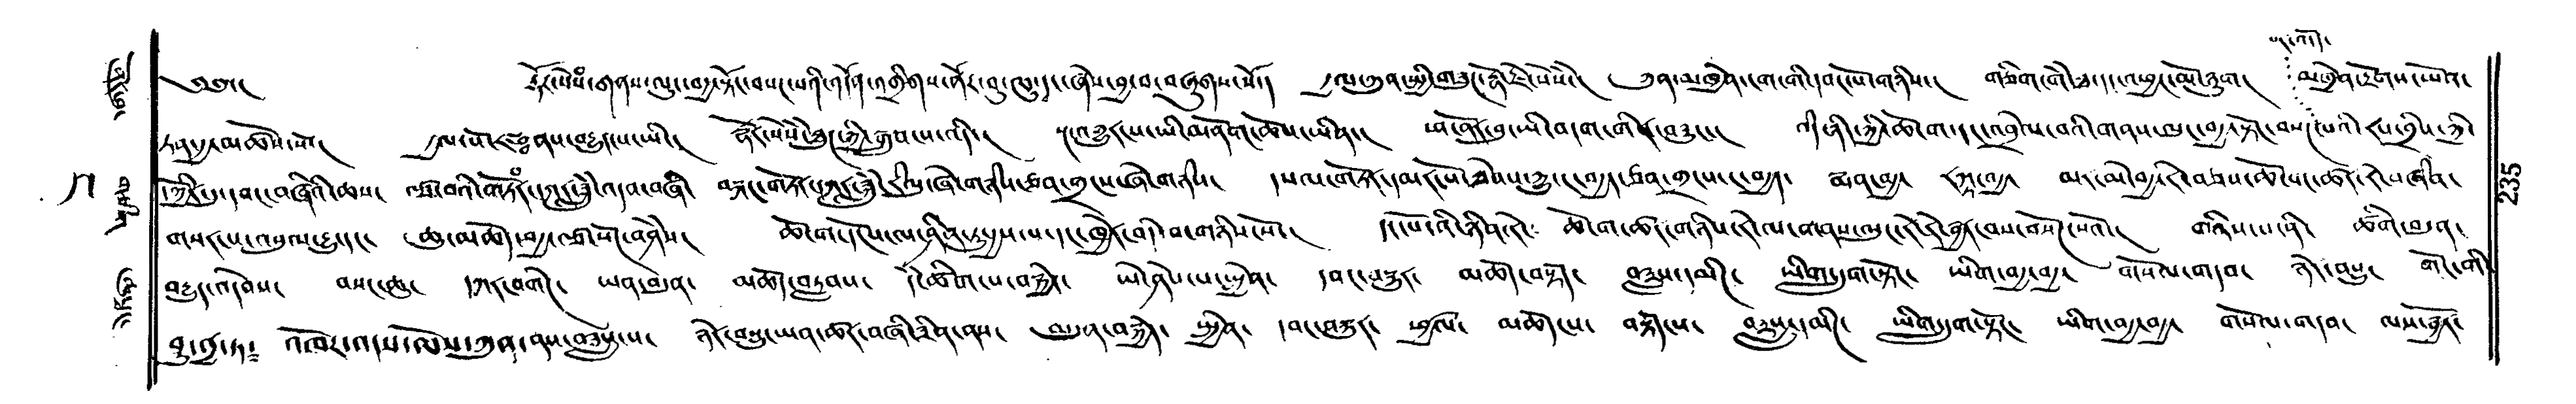༄༅། རྡོར་སེམས་གནས་ལུང་བརྒྱ་སྟོང་གསོག་ཚུལ་འདོན་འགྲིགས་ནོར་བུ་ཆུ་དྭངས་ཞེས་བྱ་བ་བཞུགས་སོ། །རྒྱལ་ཀུན་སྤྱི་གཟུགས་རྡོ་རྗེ་སེམས། །ཀུན་མཁྱེན་ངག་གི་དབང་པོ་གཉིས། །གཅིག་གམ་ཐ་དད་འཕྱང་མོ་ཉུག །མཁྱེན་རྟོགས་ཡོན་
ཏན་རྒྱ་མཚོས་སོ། །རྒྱལ་པོ་ཛཿནས་བརྒྱུད་པ་ཡི། །རྡོར་སེམས་ཐུགས་ཀྱི་སྒྲུབ་པ་འདི། །སྔ་འགྱུར་པ་ཡི་མནོག་ཆོས་ཡིན། །ཕ་ནོར་བུ་ཡི་བདག་གིར་ཟུངས། འདི་ཉིད་ཀྱི་ཆོ་ག་དང་འབྲེལ་བའི་གནས་ལུང་བརྒྱ་སྟོང་གསོག་པར་འདོད་ན། རས་བྲིས་ཀྱི་
དཀྱིལ་འཁོར་དུ་དབང་བཞིའི་ཆས། རྩ་བའི་གཏོར་མ་དཀར་ཟླུམ་འདབ་བཞི། བསྐང་གཏོར་དཀར་ཟླུམ་རིལ་བུ་ཞེ་གཉིས་ཅན་གྲངས་ཞེ་གཉིས། དཔལ་གཏོར་དམར་པོ་མཐེབ་སྐྱུ་ང་བརྒྱད་ཅན་གྲངས་ང་བརྒྱད། སྨན་བརྒྱ། རཀྟ་བརྒྱ། མར་མེ་བརྒྱ་རེ་བཅས་ཆོ་ག་ཚར་རེ་བཞིན་
གསར་པ་འབུལ་རྒྱུ་དང་། ཆུ་མཆོད་བརྒྱ་རྩ་སོགས་བཤམ། ཆོ་ག་དངོས་ལ་ཤིན་ཏུ་རྒྱས་པ་དང་ཁྱེར་བདེ་བ་གཉིས་སོ། དང་པོ་ནི་ཉིན་རེ། ཆོ་ག་ཚར་གཉིས་རེ་ལ་གནས་ལུང་རེ་རེ་སྦྱར་བས་གསོག་པའོ། གཉིས་པ་ནི། ཚིག་བདུན་
རྒྱུད་འདེབས། བསང་ཆུ། དཀར་བགེགས། ཡན་བདུན། མཆོད་རླབས། དམ་ཚིག་པ་བསྐྱེད། ཡེ་ཤེས་པ་སྤྱན་འདྲེན། དབང་སྐུར། མཆོད་བསྟོད། བཟླས་དམིགས། ཡིག་དྲུག་སྟོང་། ཡིག་བརྒྱ་བརྒྱ། གསོལ་གདབ། ཉེར་བསྡུ། གོང་གི་
ཤུ་ནྱ་ཏ༴ འཁོར་འདས་ཆོས་ཀུན༴ ནས་བཟླས་པ། ཉེར་བསྡུ་ཡན་ཚར་བཞི་ཟིན་ནས། མདུན་སྐྱེད། སྤྱན་འདྲེན། དབང་སྐུར། ཕྱག་འཚལ། མཆོད་པ། བསྟོད་པ། བཟླས་དམིགས། ཡིག་དྲུག་སྟོང་། ཡིག་བརྒྱ་བརྒྱ། གསོལ་གདབ། ལས་སྦྱོར།